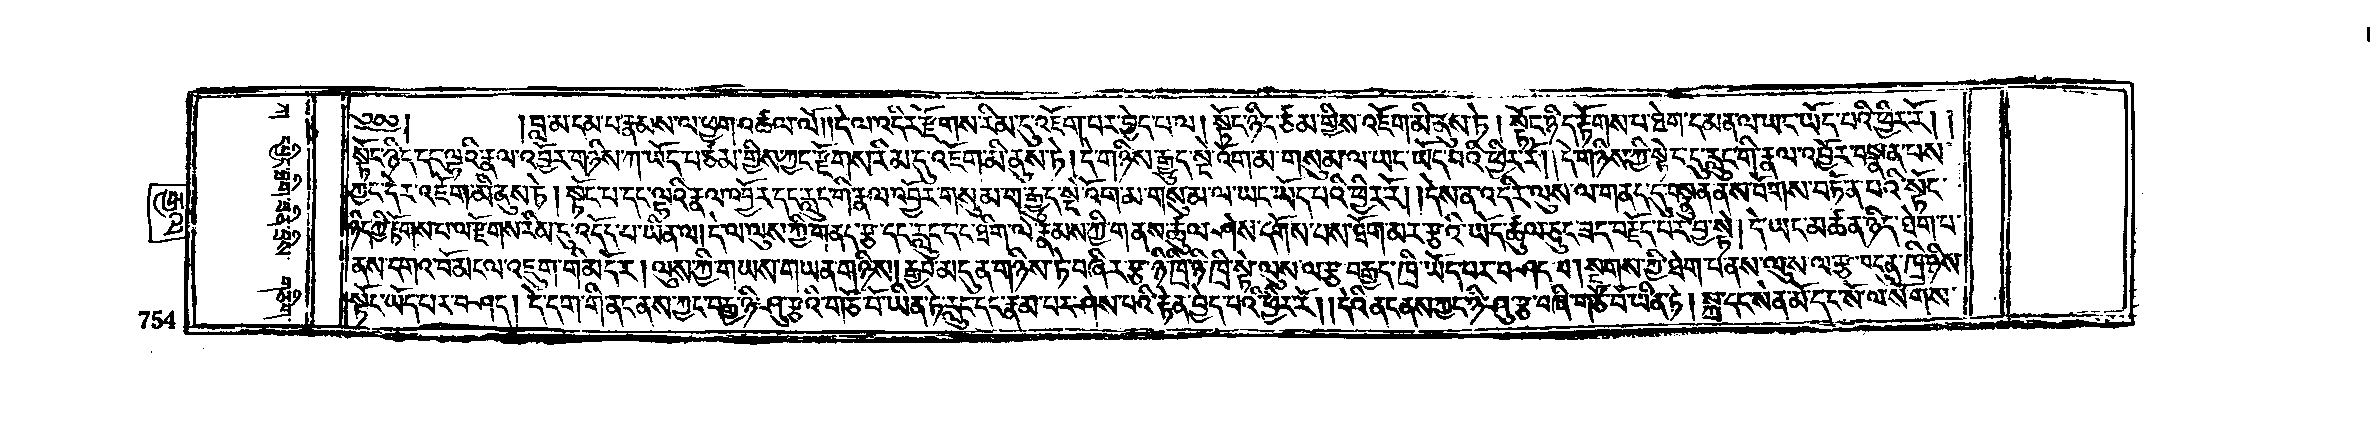༄༅༅། །བླ་མ་དམ་པ་རྣམས་ལ་ཕྱག་འཚལ་ལོ། །དེ་ལ་འདིར་རྫོགས་རིམ་དུ་འཇོག་པར་བྱེད་པ་ལ། སྟོང་ཉིད་ཙམ་གྱིས་འཇོག་མི་ནུས་ཏེ། སྟོང་ཉིད་རྟོགས་པ་ཐེག་དམན་ལ་ཡང་ཡོད་པའི་ཕྱིར་རོ། །
སྟོང་ཉིད་དང་ལྷའི་རྣལ་འབྱོར་གཉིས་ཀ་ཡོད་པ་ཙམ་གྱིས་ཀྱང་རྫོགས་རིམ་དུ་འཇོག་མི་ནུས་ཏེ། དེ་གཉིས་རྒྱུད་སྡེ་འོག་མ་གསུམ་ལ་ཡང་ཡོད་པའི་ཕྱིར་རོ། །དེ་གཉིས་ཀྱི་སྟེང་དུ་རླུང་གི་རྣལ་འབྱོར་བསྣན་པས་
ཀྱང་དེར་འཇོག་མི་ནུས་ཏེ། སྟོང་པ་དང་ལྷའི་རྣལ་འབྱོར་དང་རླུང་གི་རྣལ་འབྱོར་གསུམ་ག་རྒྱུད་སྡེ་འོག་མ་གསུམ་ལ་ཡང་ཡོད་པའི་ཕྱིར་རོ། །དེས་ན་འདིར་ལུས་ལ་གནད་དུ་བསྣུན་ནས་བོགས་བཏོན་པའི་སྟོང་
ཉིད་ཀྱི་རྟོགས་པ་ལ་རྫོགས་རིམ་དུ་འདོད་པ་ཡིན་ལ། དེ་ལ་ལུས་ཀྱི་གནད་རྩ་དང་རླུང་དང་ཐིག་ལེ་རྣམས་ཀྱི་གནས་ཚུལ་ཤེས་དགོས་པས་ཐོག་མར་རྩའི་ཡོད་ཚུལ་ཅུང་ཟད་བརྗོད་པར་བྱ་སྟེ། དེ་ཡང་མཚན་ཉིད་ཐེག་པ་
ནས་དགའ་བོ་མངལ་འཇུག་གི་མདོར། ལུས་ཀྱི་གཡས་གཡན་གཉིས། རྒྱབ་མདུན་གཉིས་ཏེ་བཞིར་རྩ་ཉི་ཁྲི་ཉི་ཁྲི་སྟེ་ལུས་ལ་རྩ་བརྒྱད་ཁྲི་ཡོད་པར་བཤད་པ། སྔགས་ཀྱི་ཐེག་པ་ནས་ལུས་ལ་རྩ་བདུན་ཁྲི་ཉིས་
སྟོང་ཡོད་པར་བཤད། དེ་དག་གི་ནང་ནས་ཀྱང་བརྒྱ་ཉི་ཤུ་རྩའི་གཙོ་བོ་ཡིན་ཏེ་རླུང་དང་རྣམ་པར་ཤེས་པའི་རྟེན་བྱེད་པའི་ཕྱིར་རོ། །དེའི་ནང་ནས་ཀྱང་ཉི་ཤུ་རྩ་བཞི་གཙོ་བོ་ཡིན་ཏེ། སྐྲ་དང་སེན་མོ་དང་སོ་ལ་སོགས་